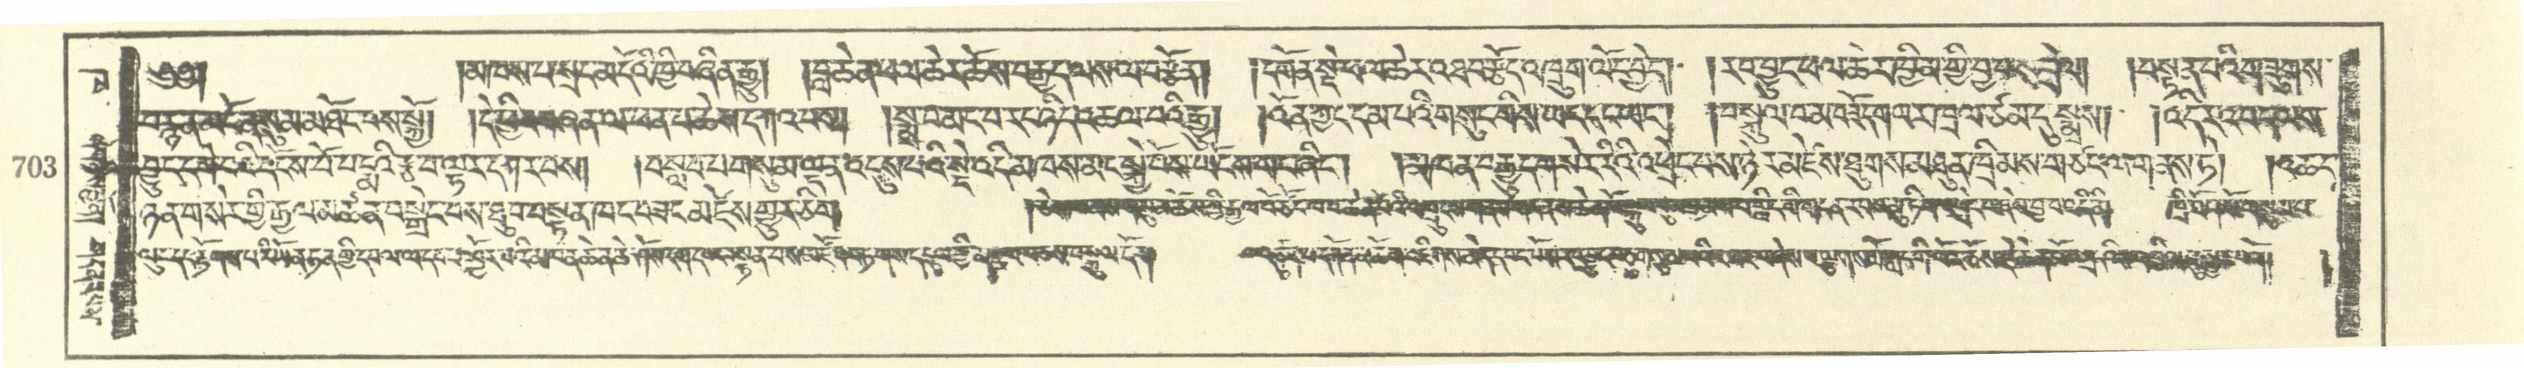༄༅། །མཁས་པ་སྲང་མདོའི་ཁྱི་བཞིན་རྒྱུ། །བླ་ཆེན་ཕལ་ཆེར་ཆོས་བརྒྱད་ལས་ལ་བརྩོན། །དགོན་སྡེ་ཕལ་ཆེར་འཐབ་རྩོད་འཁྲུག་ལོང་བྱེད། །རབ་བྱུང་ཕལ་ཆེར་ཁྱིམ་གྱི་བྱ་བས་བྲེལ། །བསྟན་པའི་གཟུགས་
བརྙན་མངོན་སུམ་མཐོང་བས་སྐྱོ། །དེ་ཕྱིར་གཞན་ལ་ཕན་པ་ཆེས་དཀའ་བས། །སྨྲ་བ་མང་པ་རང་ཉིད་འཆལ་བའི་རྒྱུ། །འོན་ཀྱང་དམ་པའི་གསུང་གིས་ཡང་དང་ཡང་། །བསྐུལ་བ་མ་བཟོད་གཡར་ཁྲལ་ཙམ་དུ་སྨྲས། །འདིར་འབད་ལས་
བྱུང་དགེ་བའི་དངོས་པོ་པདམའི་རྩ་བ་ལྟར་དཀར་བས། །བསླབ་པ་གསུམ་ལྡན་འདུས་པའི་སྡེ་འདི་མཁས་མང་སྐྱེ་བོས་ཡོངས་གང་ཞིང་། །མཁན་བརྒྱུད་གསེར་རིའི་འཕྲེང་བས་ཉེར་མཛེས་ཐུགས་མཐུན་ཁྲིམས་གཙང་ལ་གནས་ཏེ། །འཆད་
ཉན་གསེར་གྱི་རྒྱལ་མཚན་བསྒྲེང་བས་ཐུབ་བསྟན་ཁང་བཟང་མཛེས་གྱུར་ཅིག །ཅེས་ཁམས་གསུམ་ཆོས་ཀྱི་རྒྱལ་བོ་ཙོང་ཁ་པ་ཆེན་པོའི་འཁྲུངས་གནས་གདན་ས་ཆེན་པོ་སྐུ་འབུམ་བྱམས་བ་གླིང་གི་གདན་རབས་མུ་ཏིག་འཕྲེད་བ་ཞེས་བྱ་བ་འདི་ནི། ཁྲི་ཐོག་སོ་གསུམ་པ་
ལུང་དང་རྟོགས་པའི་ཡོན་ཏན་གྱི་དཔལ་ལ་དཔལ་འབྱོར་པའི་མཁན་ཆེན་ཆེ་ཤོས་ངག་དབང་བསྟན་པས་མཛོད་བཏགས་དངུལ་གྱི་མཎྜལ་བཅས་བསྐུལ་དོར། ༧་བཙུན་པ་དཀོན་མཆོག་འཇིགས་མེད་དབང་པོས་རབ་བྱུང་བཅུ་གསུམ་པའི་འཕར་བ་ཞེས་བ་ལྕགས་མོ་གླང་གི་ལོར་ཆོས་སྡེ་ཆེན་བོ་བཀྲ་ཤིས་འཁྱིལ་དུ་སྦྱར་པའོ།། །།